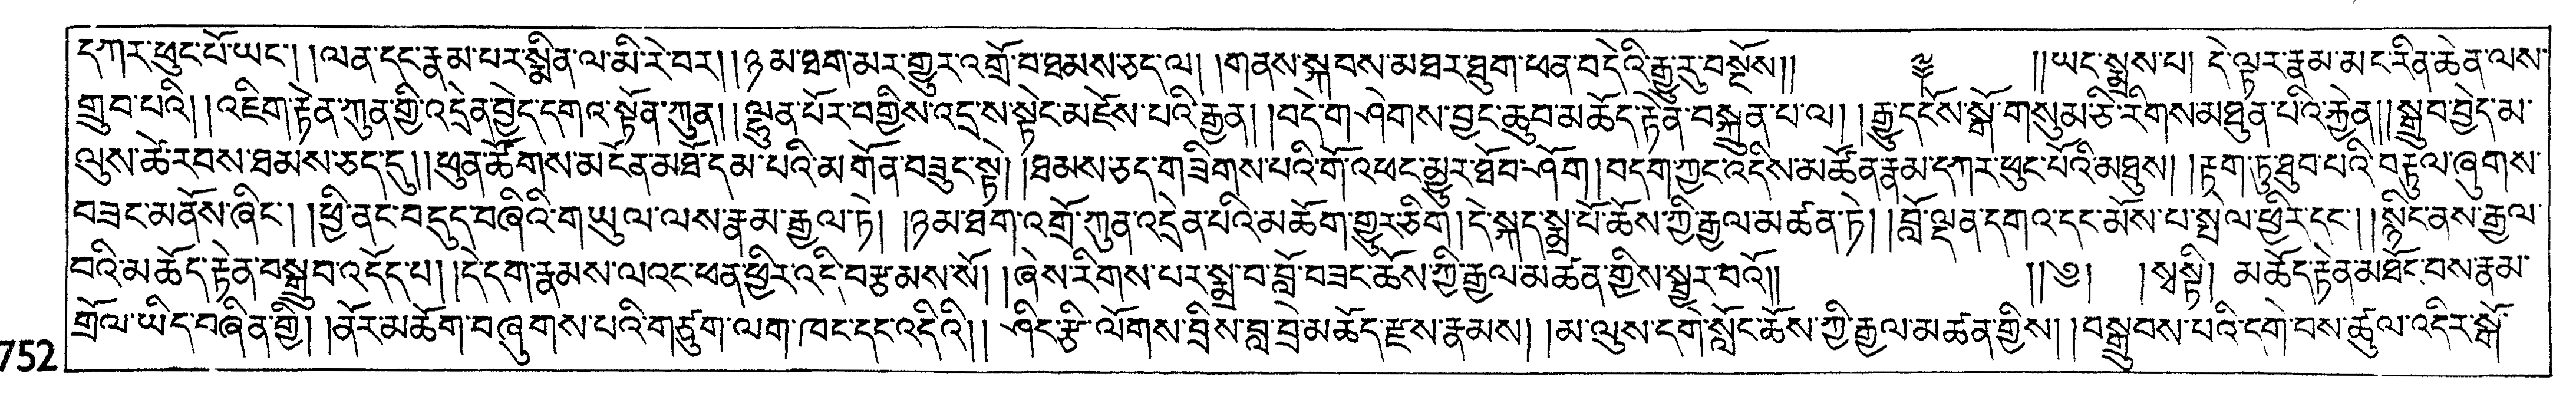དཀར་ཕུང་པོ་ཡང་། །ལན་དང་རྣམ་པར་སྨིན་ལ་མི་རེ་བར། །ཉམ་ཐག་མར་གྱུར་འགྲོ་བ་ཐམས་ཅད་ལ། །གནས་སྐབས་མཐར་ཐུག་ཕན་བདེའི་རྒྱུ་རུ་བསྔོས།། ༈ །།ཡང་སྨྲས་པ། དེ་ལྟར་རྣམ་མང་རིན་ཆེན་ལས་
གྲུབ་པའི། །འཇིག་རྟེན་ཀུན་གྱི་འདྲེན་བྱེད་དགའ་སྟོན་ཀུན། །ལྷུན་པོར་བགྱིས་འདྲ་ས་སྟེང་མཛེས་པའི་རྒྱན། །བདེ་གཤེགས་བྱང་ཆུབ་མཆོད་རྟེན་བསྐྲུན་པ་ལ། །རྒྱུ་དངོས་སྒོ་གསུམ་ཅི་རིགས་མཐུན་པའི་རྐྱེན། །སྒྲུབ་བྱེད་མ་
ལུས་ཚེ་རབས་ཐམས་ཅད་དུ། །ཕུན་ཚོགས་མངོན་མཐོ་དམ་པའི་མགོན་བཟུང་སྟེ། །ཐམས་ཅད་གཟིགས་པའི་གོ་འཕང་མྱུར་ཐོབ་ཤོག །བདག་ཀྱང་འདིས་མཚོན་རྣམ་དཀར་ཕུང་པོའི་མཐུས། །རྟག་ཏུ་ཐུབ་པའི་བརྟུལ་ཞུགས་
བཟང་མནོས་ཞིང་། །ཕྱི་ནང་བདུད་བཞིའི་གཡུལ་ལས་རྣམ་རྒྱལ་ཏེ། །ཉམ་ཐག་འགྲོ་ཀུན་འདྲེན་པའི་མཆོག་གྱུར་ཅིག །དེ་སྐད་སྨྲ་པོ་ཆོས་ཀྱི་རྒྱལ་མཚན་ཏེ། །བློ་ལྡན་དགའ་དང་མོས་པ་སྤེལ་ཕྱིར་དང་། །སྙིང་ནས་རྒྱལ་
བའི་མཆོད་རྟེན་བསྒྲུབ་འདོད་པ། །དེ་དག་རྣམས་ལའང་ཕན་ཕྱིར་འདི་བརྩམས་སོ། །ཞེས་རིགས་པར་སྨྲ་བ་བློ་བཟང་ཆོས་ཀྱི་རྒྱལ་མཚན་གྱིས་སྦྱར་བའོ།། །། ༄༅། །སྭསྟི། མཆོད་རྟེན་མཐོང་བས་རྣམ་
གྲོལ་ཡིད་བཞིན་གྱི། །ནོར་མཆོག་བཞུགས་པའི་གཙུག་ལག་ཁང་དང་འདིའི། །ཤིང་རྩི་ལོགས་བྲིས་བླ་བྲེ་མཆོད་རྫས་རྣམས། །མ་ལུས་དགེ་སློང་ཆོས་ཀྱི་རྒྱལ་མཚན་གྱིས། །བསྒྲུབས་པའི་དགེ་བས་ཚུལ་འདིར་སྒོ་